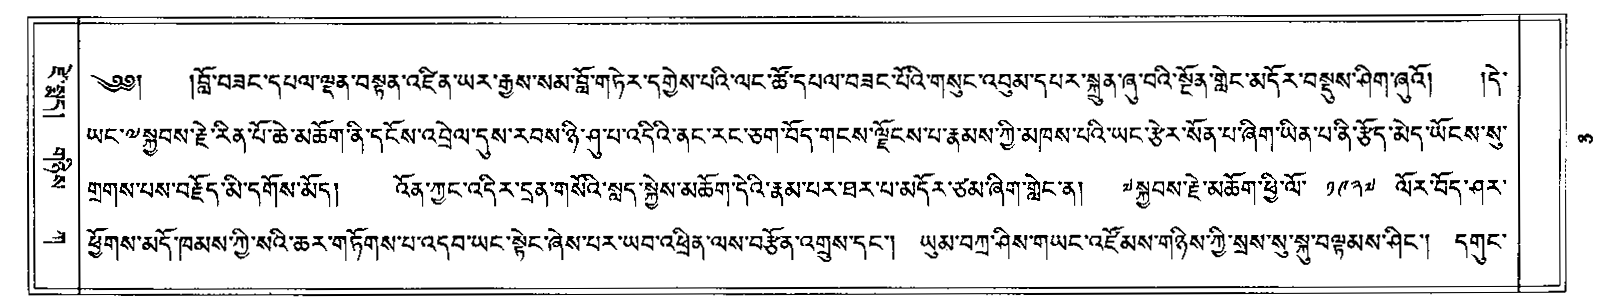༄༅། །བློ་བཟང་དཔལ་ལྡན་བསྟན་འཛིན་ཡར་རྒྱས་སམ་བློ་གཏེར་དགྱེས་པའི་ལང་ཚོ་དཔལ་བཟང་པོའི་གསུང་འབུམ་དཔར་སྐྲུན་ཞུ་བའི་སྔོན་གླེང་མདོར་བསྡུས་ཤིག་ཞུའོ། །དེ་
ཡང་༧་སྐྱབས་རྗེ་རིན་པོ་ཆེ་མཆོག་ནི་དངོས་འབྲེལ་དུས་རབས་ཉི་ཤུ་པ་འདིའི་ནང་རང་ཅག་བོད་གངས་ལྗོངས་པ་རྣམས་ཀྱི་མཁས་པའི་ཡང་རྩེར་སོན་པ་ཞིག་ཡིན་པ་ནི་རྩོད་མེད་ཡོངས་སུ་
གྲགས་པས་བརྗོད་མི་དགོས་མོད། འོན་ཀྱང་འདིར་དྲན་གསོའི་སླད་སྐྱེས་མཆོག་དེའི་རྣམ་པར་ཐར་པ་མདོར་ཙམ་ཞིག་གླེང་ན། ༧་སྐྱབས་རྗེ་མཆོག་ཕྱི་ལོ ༡༩༢༧་ལོར་བོད་ཤར་
ཕྱོགས་མདོ་ཁམས་ཀྱི་སའི་ཆར་གཏོགས་པ་འདབ་ཡང་སྟེང་ཞེས་པར་ཡབ་འཕྲིན་ལས་བརྩོན་འགྲུས་དང་། ཡུམ་བཀྲ་ཤིས་གཡང་འཛོམས་གཉིས་ཀྱི་སྲས་སུ་སྐུ་བལྟམས་ཤིང་། དགུང་